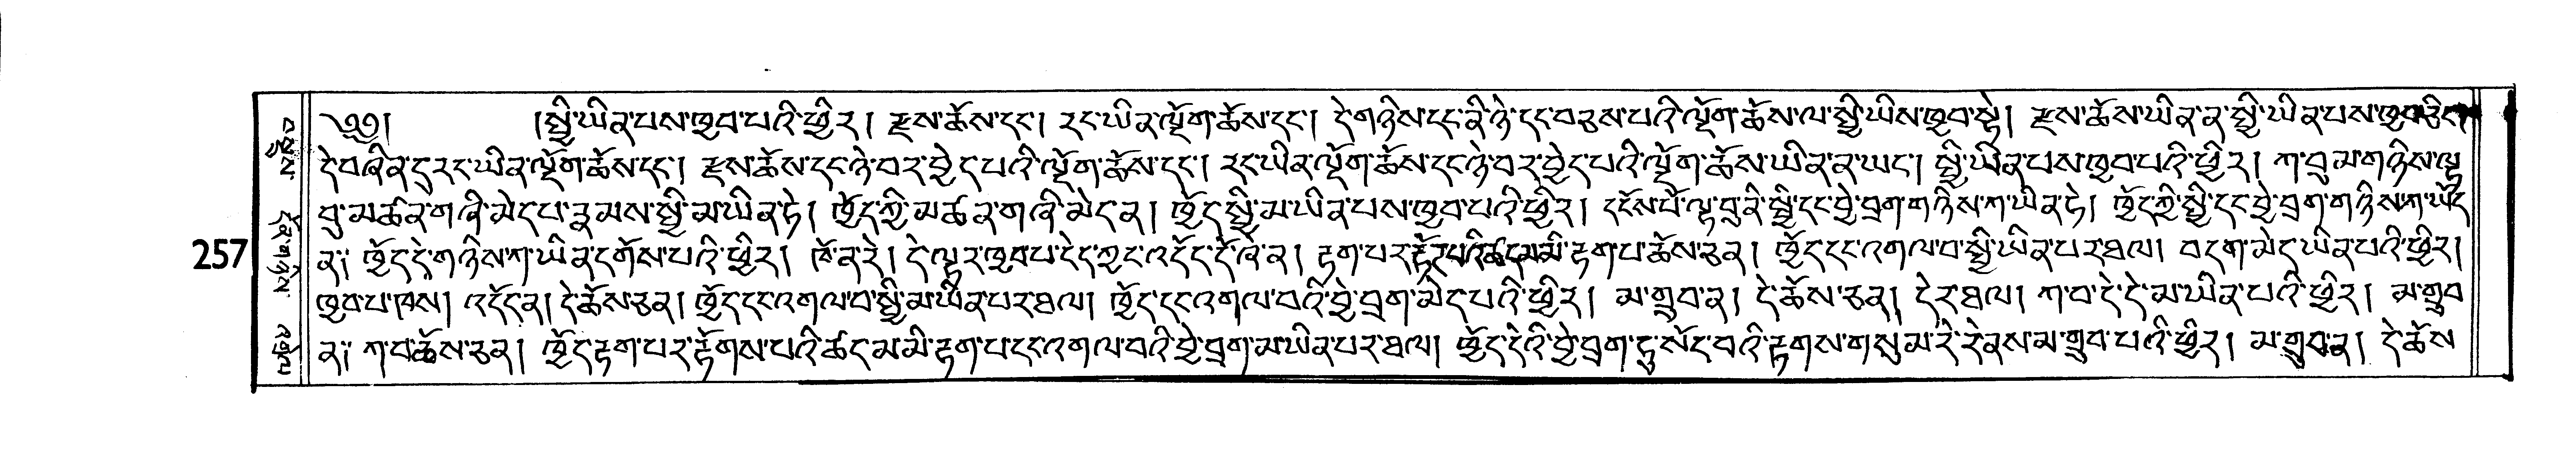༄༅། །སྤྱི་ཡིན་པས་ཁྱབ་པའི་ཕྱིར། རྫས་ཆོས་དང་། རང་ཡིན་ལྡོག་ཆོས་དང་། དེ་གཉིས་དང་ནི་ཉེ་དང་བཅས་པའི་ལྡོག་ཆོས་ལ་སྤྱི་ཡིས་ཁྱབ་སྟེ། རྫས་ཆོས་ཡིན་ན་སྤྱི་ཡིན་པས་ཁྱབ་ཅིང་།
དེ་བཞིན་དུ་རང་ཡིན་ལྡོག་ཆོས་དང་། རྫས་ཆོས་དང་ཉེ་བར་བྱེད་པའི་ལྡོག་ཆོས་དང་། རང་ཡིན་ལྡོག་ཆོས་དང་ཉེ་བར་བྱེད་པའི་ལྡོག་ཆོས་ཡིན་ན་ཡང་། སྤྱི་ཡིན་པས་ཁྱབ་པའི་ཕྱིར། ཀ་བུམ་གཉིས་ལྷ་
བུ་མཚན་གཞི་མེད་པ་རྣམས་སྤྱི་མ་ཡིན་ཏེ། ཁྱོད་ཀྱི་མཚན་གཞི་མེད་ན། ཁྱོད་སྤྱི་མ་ཡིན་པས་ཁྱབ་པའི་ཕྱིར། དངོས་པོ་ལྟ་བུ་ནི་སྤྱི་དང་བྱེ་བྲག་གཉིས་ཀ་ཡིན་ཏེ། ཁྱོད་ཀྱི་སྤྱི་དང་བྱེ་བྲག་གཉིས་ཀ་ཡོད་
ན༑ ཁྱོད་དེ་གཉིས་ཀ་ཡིན་དགོས་པའི་ཕྱིར། ཁོ་ན་རེ། དེ་ལྟར་ཁྱབ་པ་ངེད་ཀྱང་འདོད་དོ་ཞེ་ན། རྟག་པར་རྟོཌ་པའི་ཚད་མ་མི་རྟག་པ་ཆོས་ཅན། ཁྱོད་དང་འགལ་བ་སྤྱི་ཡིན་པར་ཐལ། བདག་མེད་ཡིན་པའི་ཕྱིར།
ཁྱབ་པ་ཁས། འདོད་ན། དེ་ཆོས་ཅན། ཁྱོད་དང་འགལ་བ་སྤྱི་མ་ཡིན་པར་ཐལ། ཁྱོད་དང་འགལ་བའི་བྱེ་བྲག་མེད་པའི་ཕྱིར། མ་གྲུབ་ན། དེ་ཆོས་ཅན། དེར་ཐལ། ཀ་བ་དེ་དེ་མ་ཡིན་པའི་ཕྱིར། མ་གྲུབ་
ན༑ ཀ་བ་ཆོས་ཅན། ཁྱོད་རྟོག་པར་རྟོགས་པའི་ཚད་མ་མི་རྟག་པ་དང་འགལ་བའི་བྱེ་བྲག་མ་ཡིན་པར་ཐལ། ཁྱོད་དེའི་བྱེ་བྲག་ཏུ་སོང་བའི་རྟགས་གསུམ་རེ་རེ་ནས་མ་གྲུབ་པའི་ཕྱིར། མ་གྲུབ་ན། དེ་ཆོས་